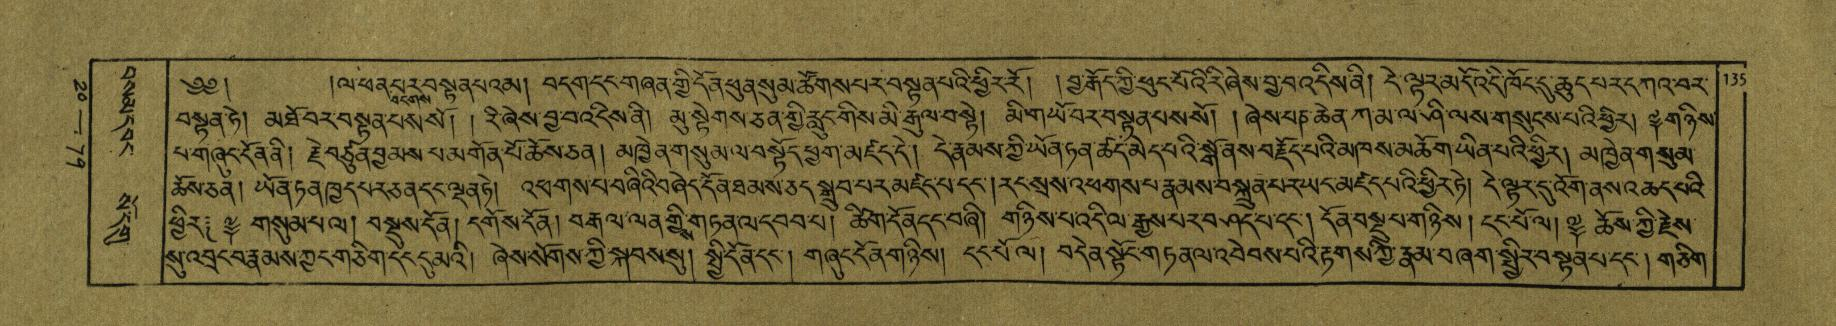༄༅། །ལ་ཕན་པར་བསྟན་པའམ། བདག་དང་གཞན་གྱི་དོན་ཕུན་སུམ་ཚོགས་པར་བསྟན་པའི་ཕྱིར་རོ། །བྱ་རྒོད་ཀྱི་ཕུང་པོའི་རི་ཞེས་བྱ་བ་འདིས་ནི། དེ་ལྟར་མདོ་འདི་ཁོང་དུ་ཆུད་པར་དཀའ་བར་
བསྟན་ཏེ། མཐོ་བར་བསྟན་པས་སོ། །རི་ཞེས་བྱ་བ་འདིས་ནི། མུ་སྟེགས་ཅན་གྱི་རླུང་གིས་མི་རྒུལ་བ་སྟེ། མི་གཡོ་བར་བསྟན་པས་སོ། །ཞེས་པཎ་ཆེན་ཀ་མ་ལ་ཤི་ལས་གསུངས་པའི་ཕྱིར། ༈ གཉིས་
པ་གཞུང་དོན་ནི། རྗེ་བཙུན་བྱམས་པ་མགོན་པོ་ཆོས་ཅན། མཁྱེན་གསུམ་ལ་བསྟོད་ཕྱག་མཛད་དེ། དེ་རྣམས་ཀྱི་ཡོན་ཏན་ཚད་མེད་པའི་སྒོ་ནས་བརྗོད་པའི་མཁས་མཆོག་ཡིན་པའི་ཕྱིར། མཁྱེན་གསུམ་
ཆོས་ཅན། ཡོན་ཏན་ཁྱད་པར་ཅན་དང་ལྡན་ཏེ། འཕགས་པ་བཞིའི་བཞེད་དོན་ཐམས་ཅད་སྒྲུབ་པར་མཛད་པ་དང་། རང་སྲས་འཕགས་པ་རྣམས་བསྐྲུན་པར་ཡང་མཛད་པའི་ཕྱིར་ཏེ། དེ་ལྟར་དུ་འོག་ནས་འཆད་པའི་
ཕྱིར༑ ༈ གསུམ་པ་ལ། བསྡུས་དོན། དགོས་དོན། བརྒལ་ལན་གྱིས་གཏན་ལ་དབབ་པ། ཚིག་དོན་དང་བཞི། གཉིས་པ་འདི་ལ་རྒྱས་པར་བཤད་པ་དང་། དོན་བསྡུ་པ་གཉིས། དང་པོ་ལ། ༈ ཆོས་ཀྱི་རྗེས་
སུ་འབྲང་བ་རྣམས་ཀྱང་གཅིག་དང་དུ་མའི། ཞེས་སོགས་ཀྱི་སྐབས་སུ། སྤྱི་དོན་དང་། གཞུང་དོན་གཉིས། དང་པོ་ལ། བདེན་སྟོང་གཏན་ལ་འབེབས་པའི་རྟགས་ཀྱི་རྣམ་བཞག་སྤྱིར་བསྟན་པ་དང་། གཅིག་